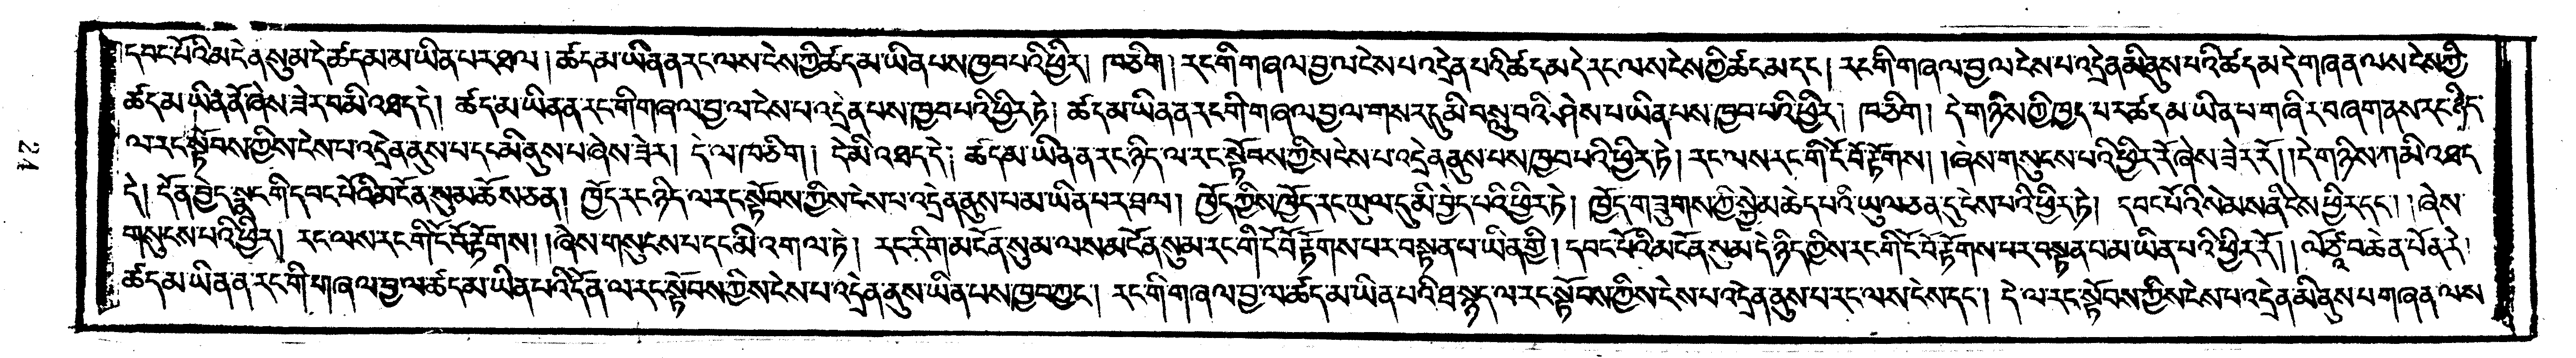དབང་པོའི་མངོན་སུམ་དེ་ཚད་མ་མ་ཡིན་པར་ཐལ། ཚད་མ་ཡིན་ན་རང་ལས་ངེས་ཀྱི་ཚད་མ་ཡིན་པར་ཁྱབ་པའི་ཕྱིར། ཁ་ཅིག། རང་གི་གཞལ་བྱ་ལ་ངེས་པ་འདྲེན་པའི་ཚད་མ་དེ་རང་ལས་ངེས་ཀྱི་ཚད་མ་དང་། རང་གི་གཞལ་བྱ་ལ་ངེས་པ་འདྲེན་མི་ནུས་པའི་ཚད་མ་དེ་གཞན་ལས་ངེས་ཀྱི་
ཚད་མ་ཡིན་ནོ་ཞེས་ཟེར་བ་མི་འཐད་དེ། ཚད་མ་ཡིན་ན་རང་གི་གཞལ་བྱ་ལ་ངེས་པ་འདྲེན་པས་ཁྱབ་པའི་ཕྱིར་ཏེ། ཚད་མ་ཡིན་ན་རང་གི་གཞལ་བྱ་ལ་གསར་དུ་མི་བསླུ་བའི་ཤེས་པ་ཡིན་པས་ཁྱབ་པའི་ཕྱིར། ཁ་ཅིག། དེ་གཉིས་ཀྱི་ཁྱད་པར་ཚད་མ་ཡིན་པ་གཞིར་བཞག་ནས་རང་ཉིད་
ལ་རང་སྟོབས་ཀྱིས་ངེས་པ་འདྲེན་ནུས་པ་དང་མི་ནུས་པ་ཞེས་ཟེར། དེ་ལ་ཁ་ཅིག། དེ་མི་འཐད་དེ། ཚད་མ་ཡིན་ན་རང་ཉིད་ལ་རང་སྟོབས་ཀྱིས་ངེས་པ་འདྲེན་ནུས་པས་ཁྱབ་པའི་ཕྱིར་ཏེ། རང་ལས་རང་གི་ངོ་བོ་རྟོགས། །ཞེས་གསུངས་པའི་ཕྱིར་རོ་ཞེས་ཟེར་རོ། །དེ་གཉིས་ཀ་མི་འཐད་
དེ༑ དོན་བྱེད་སྣང་གི་དབང་པོའི་མངོན་སུམ་ཆོས་ཅན། ཁྱོད་རང་ཉིད་ལ་རང་སྟོབས་ཀྱིས་ངེས་པ་འདྲེན་ནུས་པ་མ་ཡིན་པར་ཐལ། ཁྱོད་ཀྱིས་ཁྱོད་རང་ཡུལ་དུ་མི་བྱེད་པའི་ཕྱིར་ཏེ། ཁྱོད་གཟུགས་ཀྱི་སྐྱེ་མཆེད་པའི་ཡུལ་ཅན་དུ་ངེས་པའི་ཕྱིར་ཏེ། དབང་པོའི་སེམས་ནི་ངེས་ཕྱིར་དང་། །ཞེས་
གསུངས་པའི་ཕྱིར། རང་ལས་རང་གི་ངོ་བོ་རྟོགས། །ཞེས་གསུངས་པ་དང་མི་འགལ་ཏེ། རང་རིག་མངོན་སུམ་ལས་མངོན་སུམ་རང་གི་ངོ་བོ་རྟོགས་པར་བསྟན་པ་ཡིན་གྱི། དབང་པོའི་མངོན་སུམ་དེ་ཉིད་ཀྱིས་རང་གི་ངོ་བོ་རྟོགས་པར་བསྟན་པ་མ་ཡིན་པའི་ཕྱིར་རོ། །ལོ་ཙཱ་བ་ཆེན་པོ་ན་རེ།
ཚད་མ་ཡིན་ན་རང་གི་གཞལ་བྱ་ལ་ཚད་མ་ཡིན་པའི་དོན་ལ་རང་སྟོབས་ཀྱིས་ངེས་པ་འདྲེན་ནུས་ཡིན་པས་ཁྱབ་ཀྱང་། རང་གི་གཞལ་བྱ་ལ་ཚད་མ་ཡིན་པའི་ཐ་སྙད་ལ་རང་སྟོབས་ཀྱིས་ངེས་པ་འདྲེན་ནུས་པ་རང་ལས་ངེས་དང་། དེ་ལ་རང་སྟོབས་ཀྱིས་ངེས་པ་འདྲེན་མི་ནུས་པ་གཞན་ལས་